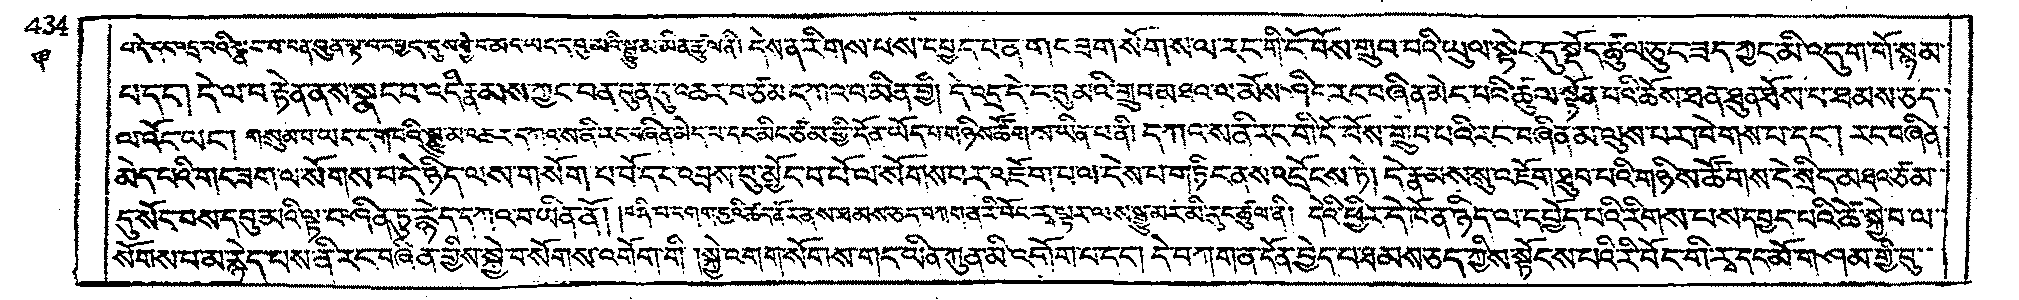པ་དེ་དང་འདྲ་བའི་སྣང་བ་བན་བུན་ལྟ་བ་དཔྱད་དུས་སྐྱེ་བ་མང་ཡང་དབུ་མའི་སྒྱུ་མ་མིན་ཚུལ་ནི། དེས་ན་རིགས་པས་དཔྱད་པ་ན་གང་ཟག་སོགས་ལ་རང་གི་ངོ་བོས་གྲུབ་པའི་ཡུལ་སྟེང་དུ་སྡོད་ཚུལ་ཅུང་ཟད་ཀྱང་མི་འདུག་གོ་སྙམ་
པ་དང་། དེ་ལ་བརྟེན་ནས་སྣང་བ་འདི་རྣམ་སྐྱང་བན་བུན་དུ་འཆར་བ་ཙམ་དཀའ་བ་མིན་གྱི། དེ་འདྲ་དེ་དབུ་མའི་གྲུབ་མཐའ་ལ་མོས་ཤིང་རང་བཞིན་མེད་པའི་ཚུལ་སྟོན་པའི་ཆོས་ཐན་ཐུན་ཐོས་པ་ཐམས་ཅད་
ལ་འོངས་ཡང་། གསུམ་པ་ཡང་དག་པའི་སྒྱུ་མ་འཆར་དཀའ་ས་ནི་རང་བཞིན་མེད་པ་དང་མིང་ཙམ་གྱི་དོན་ཡོད་པ་གཉིས་ཚོགས་ཡིན་པ་ནི།  དཀའ་ས་ནི་རང་གི་ངོ་བོས་གྲུབ་པའི་རང་བཞིན་མ་ལུས་པར་ཁེགས་པ་དང་། རང་བཞིན་
མེད་པའི་གང་ཟག་ལ་སོགས་པ་དེ་ཉིད་ལས་གསོག་པ་པོ་དང་འབྲས་བུ་མྱོང་བ་པོ་ལ་སོགས་པར་འཇོག་པ་ལ་ངེས་པ་གཏིང་ནས་འདྲོངས་ཏེ། དེ་རྣམས་སུ་འཇོག་ཐུབ་པའི་གཉིས་ཚོགས་དེ་སྲིད་མཐའ་ཙམ་
དུ་སོང་བས་དབུ་མའི་ལྟ་བ་ཤིན་ཏུ་རྙེད་དཀའ་བ་ཡིན་ནོ། །བཞི་པ་དགག་བྱའི་ཚད་ནོར་ནས་ཐམས་ཅད་བཀག་ན་རི་བོང་རྭ་ལྟར་ལས་སྒྱུ་མར་མི་རུང་ཚུལ་ནི།  དེའི་ཕྱིར་དེ་ཁོ་ན་ཉིད་ལ་དཔྱོད་པའི་རིགས་པས་དཔྱད་པའི་ཚེ་སྐྱེ་བ་ལ་
སོགས་པ་མ་རྙེད་པས་ནི་རང་བཞིན་གྱིས་སྐྱེ་བ་སོགས་འགོག་གི། །སྐྱེ་འགག་སོགས་གང་ཡིན་ཀུན་མི་འགོག་པ་དང་། དེ་བཀག་ན་དོན་བྱེད་པ་ཐམས་ཅད་ཀྱིས་སྟོངས་པའི་རི་བོང་གི་རྭ་དང་མོ་གཤམ་གྱི་བུ་